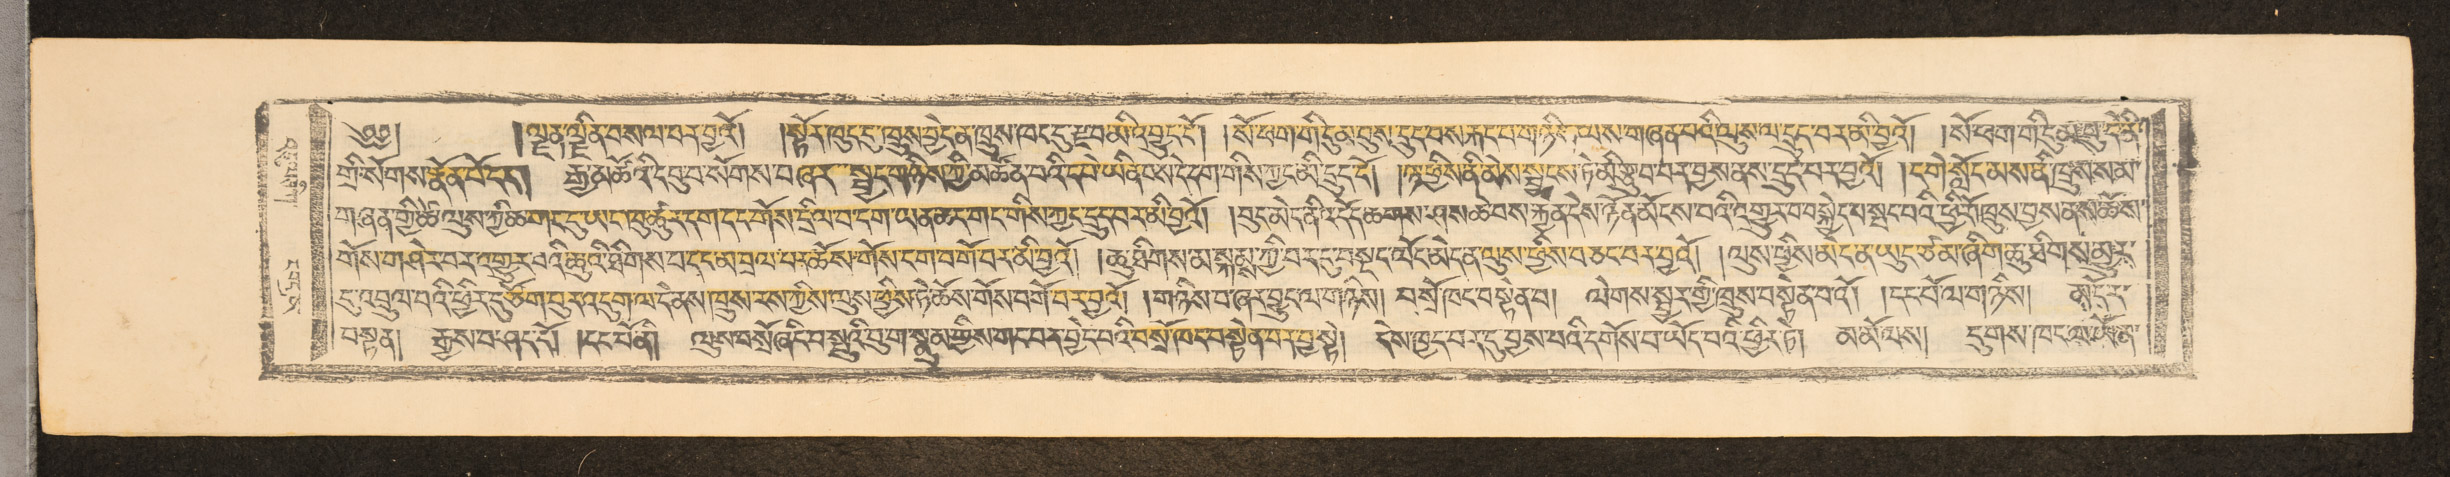༄༅། །ལྗན་ལྗིན་བསལ་བར་བྱའོ། །སྟོར་ཁུང་དུ་ཁྲུས་བྱེད་ན་ཁྲུས་ཁང་དུ་རྫབ་མི་འབྱུང་ངོ། །སོ་ཕག་གི་དུམ་བས་དྲུང་པས་རྐང་པ་གཉིས་ལས་གཞན་པའི་ལུས་ལ་དྲུད་པར་མི་བྱའོ། །སོ་ཕག་གི་དུམ་ཕུ་དེའི་
གྲི་སོགས་རྣོན་པོ་དང་། རྒྱ་མཚོའི་དབུ་བ་སོགས་བཞར་སྤྱད་གཉིས་ཀྱི་མཚོན་པའི་དཔེ་ཡིན་པས་དེ་དག་གིས་ཀྱང་མི་དྲུང་ངོ། །ཉ་ཕྱིས་ནི་མེས་སྦྱངས་ཏེ་མི་རྩུབ་པར་བྱས་ནས་དྲུང་པར་བྱའོ། །དགེ་སློང་མས་ནི་ཁྲུས་སམ་
གཞན་གྱི་ཚེ་ལུས་ཀྱི་ཆ་གང་དུ་ཡང་ཁུ་ཚུར་དག་དང་གོས་དྲིལ་བ་དག་ཡན་ཆད་གང་གིས་ཀྱང་དྲུང་པར་མི་བྱའོ། །བུད་མེད་ནི་འདོད་ཆགས་ཤས་ཆེ་བས་རྐྱེན་དེས་ཉོན་མོངས་པའི་འགྱུར་བ་བསྐྱེད་པ་སྤང་པའི་ཕྱིརོ། ཁྲུས་བྱས་ནས་ཆོས་
གོས་གཤེར་བར་འགྱུར་བའི་ཆུའི་ཐིགས་པ་དང་མ་བྲལ་བར་ཆོས་གོས་དག་བགོ་བར་མི་བྱའོ། །ཆུ་ཐིགས་མ་སྐམས་ཀྱི་བར་དུ་བསྡང་ལོང་མེད་ན་ལུས་ཕྱིས་བཅང་བར་བྱའོ། །ལུས་ཕྱིས་མེད་ན་ཡུད་ཙམ་ཞིག་ཆུ་ཐིགས་མྱུར་
དུ་འབྲུལ་བའི་ཕྱིར་དུ་ཙོག་པུར་འདུག་ལ་དེ་ནས་ཁྲུས་རས་ཀྱིས་ལུས་ཕྱིས་ཏེ་ཆོས་གོས་བགོ་བར་བྱའོ། །གཉིས་པ་ཞར་བྱུང་ལ་གཉིས། བསྲོ་ཁང་བསྟེན་པ། ལེགས་སྦྱར་གྱི་ཁྲུས་བསྟེན་པའོ། །དང་པོ་ལ་གཉིས། མདོར་
བསྟན། རྒྱས་བཤད་དོ། །དང་པོ་ནི། ལུས་བསྲོ་ཞིང་བ་སྤུའི་བུ་ག་སྣུམ་གྱིས་གང་བར་བྱེད་པའི་བསྲོ་ཁང་བསྟེན་པར་བྱ་སྟེ། ངེས་ཁྱད་པར་དུ་བྱས་པའི་དགོས་པ་ཡོད་པའི་ཕྱིར་ཏེ། མ་མོ་ལས། དུགས་ཁང་ལ་ཡོན་